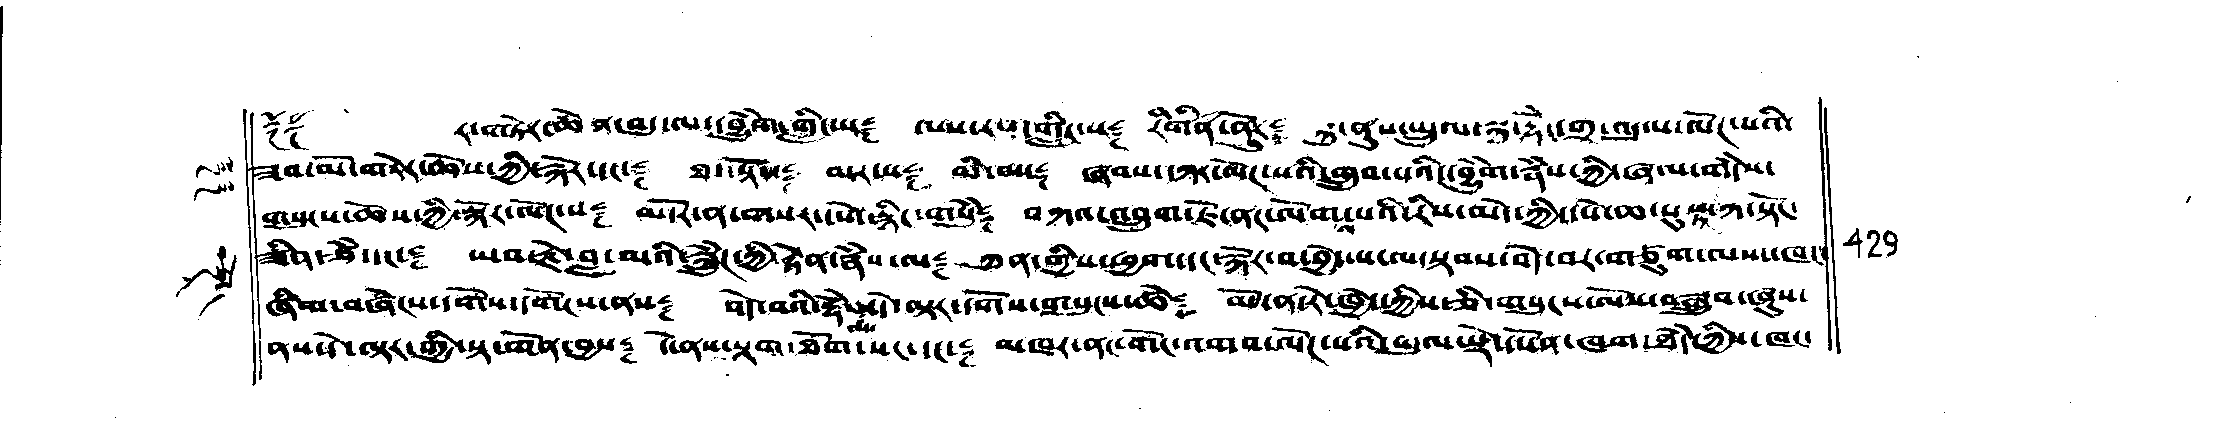ར་གཏེར་ཆེན་བདུད་འདུལ་དབང་ཕྱུག་གླིང་པ། ལས་རབ་གླིང་པ། རིག་འཛིན་ནོར་བུ། སྐུ་ནུས་སྤྲུལ་སྐུ་རྡོ་རྗེ་དགྲ་འདུལ་ལ་སོགས་པའི་
ཟབ་མོ་གཏེར་ཆོས་ཀྱི་སྐོར་དང་། ཐང་སྟོང་། མར་པ། མི་ལ། ཞབས་དཀར་ལ་སོགས་པའི་གྲུབ་པའི་དབང་ཕྱུག་རྣམས་ཀྱི་ཞལ་གདམས་
གསུང་ཆོས་ཀྱི་སྐོར་ལ་སོགས་པ། མདོར་ན་སར་༼ས་?༽དགེ་རྙིང་གསུམ། བཀའ་འབྲུག་ཇོ་ནང་ལ་སོགས་པའི་རིས་མེད་ཀྱི་དཔེ་ཆ་པུསྟི་ཀ་སྟོང་
ཟིན་ཙམ་དང་། ཡབ་རྗེ་བླ་མའི་སྐུ་གསུང་ཐུགས་ཀྱི་རྟེན་རྣམས་ལ། ཀུན་གྱིས་ཕྱག་དང་སྐོར་བ་བྱེད་པ་ལ་སྟབས་བདེ་བར་གཙུག་ལག་ཁང་
ཞིག་བཞེངས་དགོས་དགོངས་ནས། བདེ་བའི་རྡོ་རྗེ་ལ་དེ་ལྟར་དགོས་གསུངས་ཚེ། མོ་ན་རེ་ཁྱེད་ཀྱིས་ཅི་གསུངས་ལོས་བསྒྲུབ་ཞུས་
ནས་དེ་ལྟར་གྱི་སྟ་གོན་བྱས། དེ་ནས་སྟག་ཐོག་སང་དང་། མཁར་ནང་གོང་འགབ་ལ་སོགས་པའི་ཡུལ་སྡེ་དཔོན་ཁག་ཐམས་ཅད་ཀྱིས་ཁང་